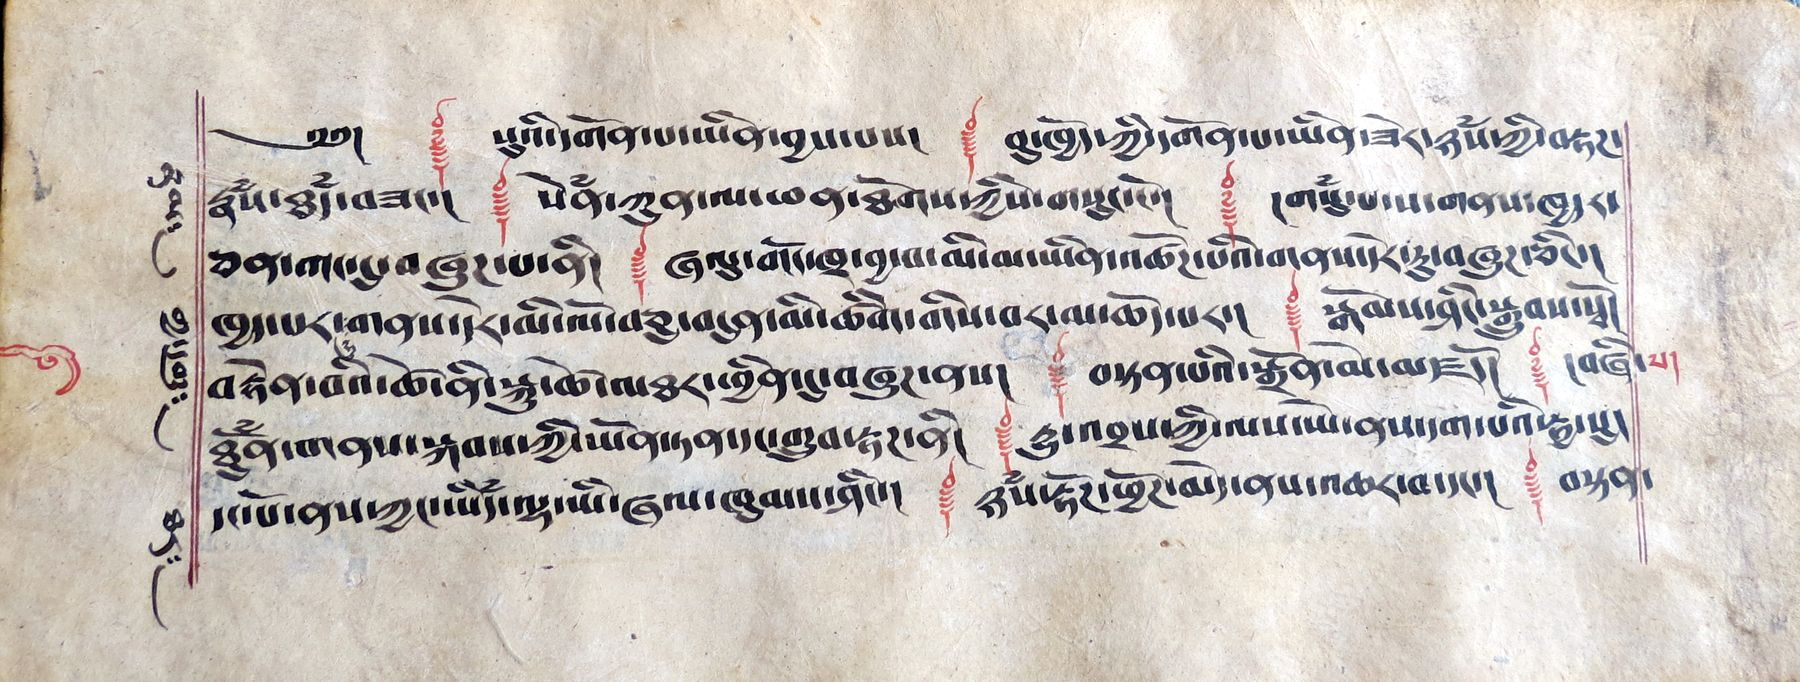སུའི་དགོན་པ་ཡིན་བྱས་པས། བུ་ཁྱོད་ཀྱི་དགོན་པ་ཡིན་ཟེར། ཉམས་ཀྱི་རྟགས་
རྣམས་ཐམས་ཅད་བཟང་། སེམས་ཅན་ཀུན་ལ་ཕན་ཐོགས་ཀྱི་གསུངས་སོ། ། གསུམ་པ་ས་གནས་ཁྱད་པར་
ཅན་གང་དུ་བཞུགས་པ་ནི། ཞལ་ལུ་གོང་ཁྲ་བྱ་བ་མི་མ་ཡིན་འཚོགས་པའི་གནས་དེ་རུ་བཞུགས་ཤིང་། 
ཁྱད་པར་དུ་གནས་དེར་མི་ལོ་བཅུ་བདུན་མི་ཚིག་གིས་བར་མ་ཆོད་པར་བསྒོམས་ཤིང་བསྒྲུབས་སོ། ། 
བརྟེན་པའི་ཚེ་ནི་སྐུ་ཚེ་མཐར་ཕྱིན་དུ་བཞུགས་ནས། བསྟན་པའི་སྒྲོན་མེ་མཛད་དོ། ། བཞི་པ་
ཐུན་མོང་དང་གནས་སྐབས་ཀྱི་ཡོན་ཏན་དང་གྲུབ་རྟགས་ནི། རྒྱུ་འབྲས་ཀྱི་ལས་ཡེ་ནས་དག་པའི་རྟགས་སུ། 
དང་པོ་ནས་ཀྱང་ཡི་དམ་ལྷའི་ཞལ་ཁུམས་ཤིང་། ཉམས་རྟོགས་ཕྱོགས་མེད་ནས་འཆར་བ་དང་། བསྟན་